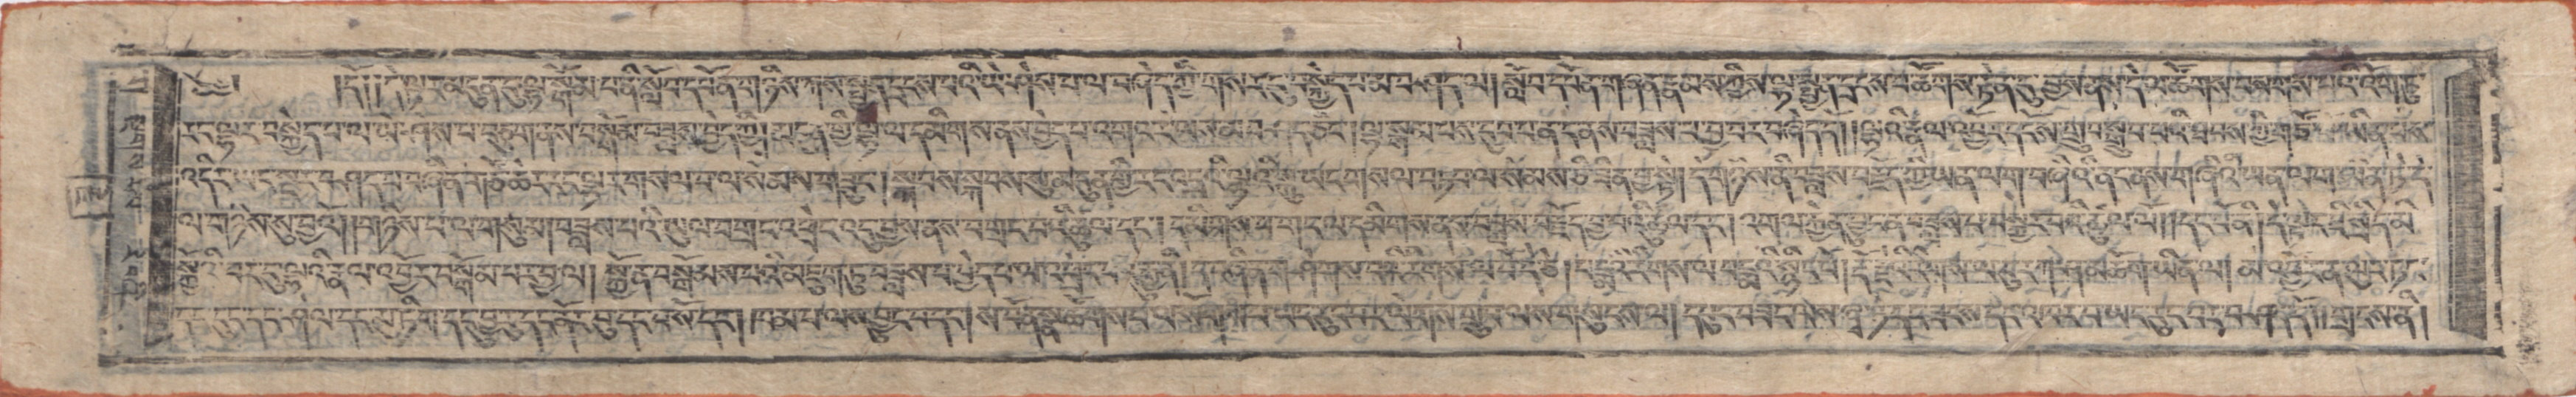༄༅། །དོ༑ ༑དེ་ལྟར་མདུན་དུ་ལྷ་སྒོམ་པ་ནི་སློབ་དཔོན་གཉིས་ཀས་སྤྱན་དྲངས་པའི་ཡེ་ཤེས་པ་ལ་བཞེད་ཀྱི་གསར་དུ་བསྐྱེད་པ་མ་བཤད་ལ། སློབ་དཔོན་གཞན་རྣམས་ཀྱིས་ལྷ་སྤྱན་དྲངས་པ་ཚོགས་རྟེན་དུ་བྱས་ནས་དེ་ལ་ཚོགས་བསགས་པའི་འོག་ཏུ་
རང་ལྷར་བསྐྱེད་པ་ལ་ཡེ་ཤེས་པ་བཅུག་ནས་བསྒོམ་བཟླས་བྱེད་ཀྱི། མདུན་གྱི་ལྷ་ལ་དམིགས་ནས་བྱེད་པ་འགའ་རེ་ལས་མ་བཤད་ཅིང་། ལྷ་སྒམ་པས་དུབ་པ་ན་དེ་ནས་བཟླས་པ་བྱ་བར་བཞེད་དོ། །ལྷའི་རྣལ་འབྱོར་དངོས་གྲུབ་སྒྲུབ་པའི་ཐབས་ཀྱི་གཙོ་བོ་ཡིན་པས་
འདིར་ཡང་སྔར་བཤད་པ་བཞིན་གཙོ་ཆེར་རང་ལྷར་གསལ་བ་ལ་སེམས་གཟུང་། སྐབས་སྐབས་སུ་མདུན་གྱི་རང་འདྲའི་ལྷའི་སྐུ་ཡང་གསལ་བཏབ་ལ་སེམས་ཅི་ཟིན་བྱ་སྟེ། དེ་གཉིས་ནི་བཟླས་བརྗོད་ཀྱི་ཡན་ལག་བཞིའི་ནང་ནས་གཞིའི་ཡན་ལག་ཡིན་ཏེ་དེ་
ལ་གཉིས་སུ་བྱའོ། །གཉིས་པ་ལ་གསུམ། བཟླས་པའི་ཡུལ་བགྲང་འཕྲེང་འདུ་བྱས་ནས་བགྲང་བའི་ཚུལ་དང་། དམིགས་པ་གང་ལ་དམིགས་ནས་བཟླས་བརྗོད་བྱ་བའི་ཚུལ་དང་། འགལ་རྐྱེན་བྱུང་ན་བཟླས་པ་བསྐྱར་བའི་ཚུལ་ལོ། །དང་པོ་ནི། དེ་ལྟར་ཇི་སྲིད་མི་
སྐྱོའི་བར་དུ་ལྷའི་རྣལ་འབྱོར་བསྒོམ་པར་བྱ་ལ། སྐྱོན་བསྒོམས་པའི་མཇུག་ཏུ་བཟླས་པ་བྱེད་པ་ལ་འཕྲེང་པའི་རྒྱུ་ནི། དེ་བཞིན་གཤེགས་པའི་རིགས་ལ་པོ་དེ་ཅེ། པདམའི་རིགས་ལ་པདམའི་སྙིང་པོ། རྡོ་རྗེའི་རིགས་ལ་རུ་རཀ་ཤ་མཆོག་ཡིན་ལ། མེ་འབྱོར་ན་ལུང་ཏང་
དང་དུང་དང་ཤེལ་དང་མུ་ཏིག་དང་བྱུ་རུ་དང་ནོར་བུ་དང་བ་སོ་དང་། ཁམ་པ་ལས་བྱུང་བ་དང་། ས་བོན་སྣ་ཚོགས་པ་ལ་སོགས་པ་ཡང་རུང་བར་ལེགས་གྲུབ་ལས་གསུངས་ལ། དཔུང་བཟང་ལས་ཞྭ་ཉེ་དང་ཟངས་དང་འཁར་བ་ཡང་རུང་བར་བཤད་དོ། །གྲངས་ནི།